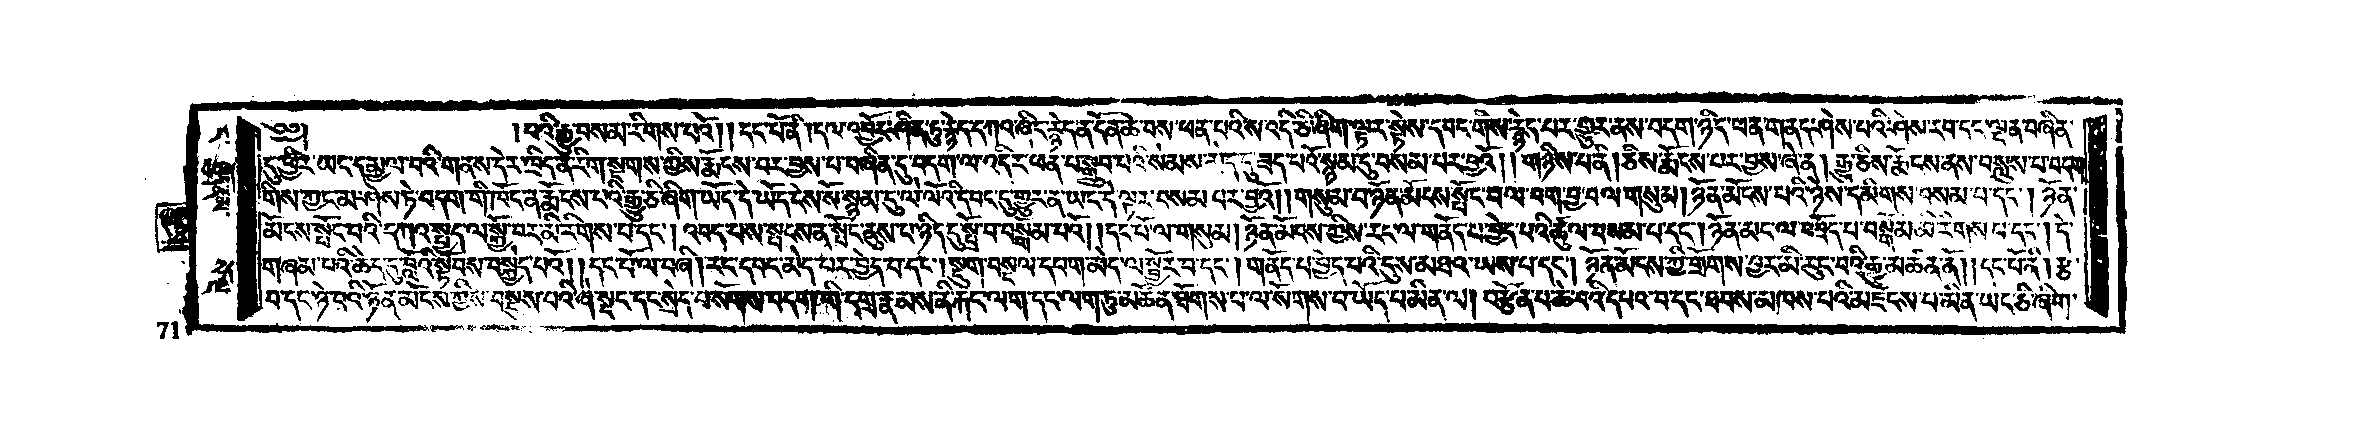༄༅། །བའི་རྒྱུ་བསམ་རིགས་པའོ། །དང་པོ་ནི། དལ་འབྱོར་ཤིན་ཏུ་རྙེད་དཀའ་ཞིང་རྙེད་ན་དོན་ཆེ་བས་ཕན་པའི་ས་འདི་ཅི་ཞིག་ལྟར་སྟེས་དབང་གིས་རྙེད་པར་གྱུར་ནས་བདག་ཉིད་ཕན་གནད་ཤེས་པའི་ཤེས་རབ་དང་ལྡན་བཞིན་
དུ་ཕྱིར་ཡང་དམྱལ་བའི་གནས་དེར་ཁྲིད་ན་རིག་སྔགས་ཀྱིས་རྨོངས་པར་བྱས་པ་བཞིན་དུ་བདག་ལ་འདིར་ཕན་པ་སྒྲུབ་པའི་སེམས་མེད་དུ་ཟད་པའོ་སྙམ་དུ་བསམ་པར་བྱའོ། །གཉིས་པ་ནི། ཅིས་རྨོངས་པར་བྱས་ཞེ་ན། རྒྱུ་ཅིས་རྨོངས་ནས་བསླུས་པ་བདག་
གིས་ཀྱང་མ་ཤེས་ཏེ་བདག་གི་ཁོང་ན་རྨོངས་པའི་རྒྱུ་ཅི་ཞིག་ཡོད་དེ་ཡོད་ངེས་སོང་སྙམ་དུ་ལེ་ལོའི་དབང་དུ་གྱུར་ན་ཡང་དེ་ལྟར་བསམ་པར་བྱའོ། །གསུམ་པ་ཉོན་མོངས་སྤོང་བ་ལ་བག་བྱ་བ་ལ་གསུམ། ཉོན་མོངས་པའི་ཉེས་དམིགས་བསམ་པ་དང་། ཉོན་
མོངས་སྤོང་བའི་དཀའ་སྤྱད་ལ་སྐྱོ་བར་མི་རིགས་པ་དང་། འབད་པས་སྤངས་ན་སྤོང་ནུས་པ་ཉིད་དུ་སྤྲོ་བ་བསྒོམ་པའོ། །དང་པོ་ལ་གསུམ། ཉོན་མོངས་ཀྱིས་རང་ལ་གནོད་པ་བྱེད་པའི་ཚུལ་བསམ་པ་དང་། ཉོན་མང་ལ་བཟོད་པ་བསྒོམ་མི་རིགས་པ་དང་། དེ་
གཞམ་པའི་ཆེན་དུ་བློའི་སྟོབས་བསྐྱེད་པའོ། །དང་པོ་ལ་བཞི། རང་དབང་མེད་པར་བྱེད་པ་དང་། སྡུག་བསྔལ་དཔག་མེད་ལ་སྦྱོར་བ་དང་། གནོད་པ་བྱེད་པའི་དུས་མཐའ་ཡས་པ་དང་། ཉོན་མོངས་ཀྱི་གྲོགས་བྱར་མི་རུང་བའི་རྒྱུ་མཚན་ནོ། །དང་པོ་ནི། རྩ་
བ་དང་ཉེ་བའི་ཉོན་མོངས་ཀྱིས་བསྡུས་པའི་ཞེ་སྡང་དང་སྲེད་པ་སོགས་པ་བདག་གི་དགྲ་རྣམས་ནི་རྐང་ལག་དང་ལག་ཏུ་མཚོན་ཐོགས་པ་ལ་སོགས་པ་ཡོད་པ་མིན་ལ། བརྩོན་པ་ཆེ་བའི་དཔའ་བ་དང་ཐབས་མཁས་པའི་མཛངས་པ་མིན་ཡང་ཅི་ཞིག་